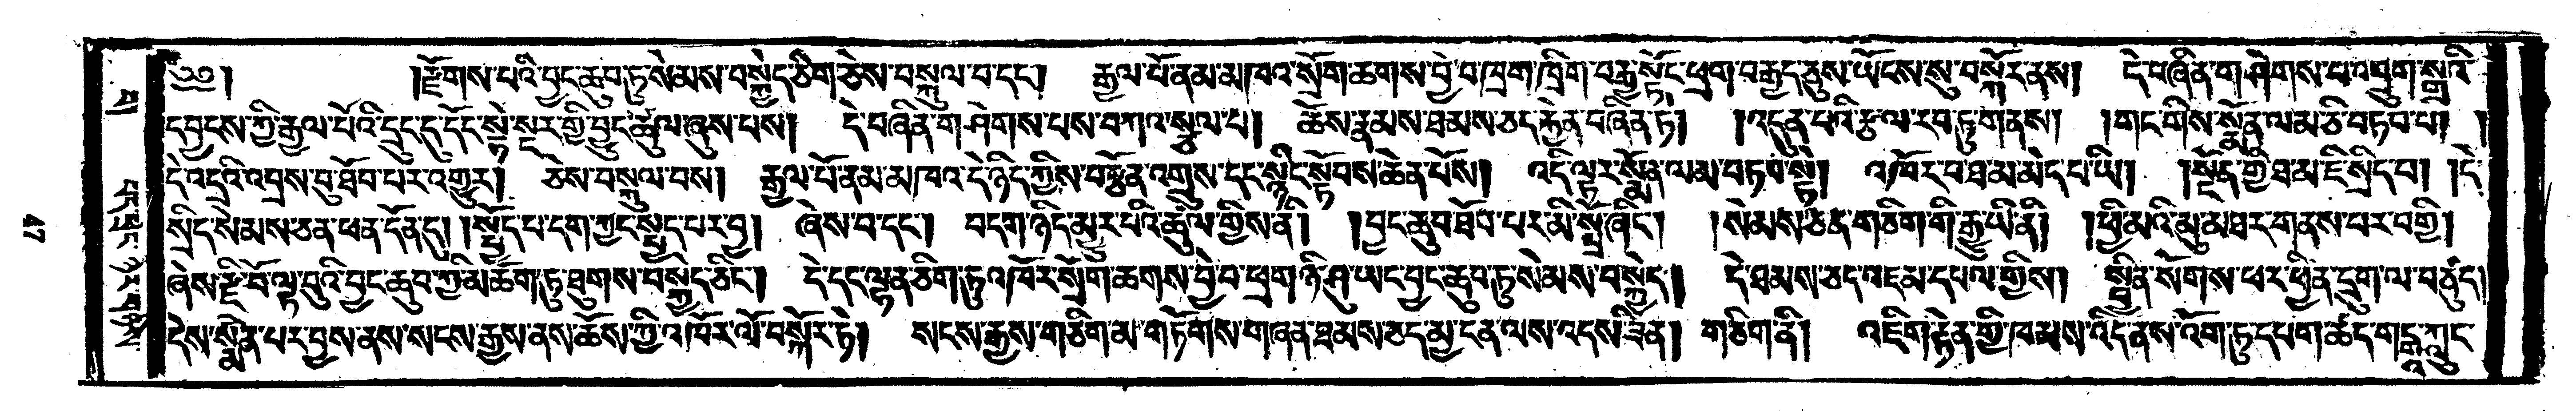༄༅། །རྫོགས་པའི་བྱང་ཆུབ་ཏུ་སེམས་བསྐྱེད་ཅིག་ཅེས་བསྐུལ་བ་དང་། རྒྱལ་པོ་ནམ་མཁའ་སྲོག་ཆགས་བྱེ་བ་ཁྲག་ཁྲིག་བརྒྱ་སྟོང་ཕྲག་བརྒྱད་ཅུས་ཡོངས་སུ་བསྐོར་ནས། དེ་བཞིན་གཤེགས་པ་འབྲུག་སྒྲའི་
དབྱངས་ཀྱི་རྒྱལ་པོའི་དྲུང་དུ་དོང་སྟེ་སྔར་གྱི་བྱུང་ཚུལ་ཞུས་པས། དེ་བཞིན་གཤེགས་པས་བཀའ་སྩལ་པ། ཆོས་རྣམས་ཐམས་ཅད་རྐྱེན་བཞིན་ཏེ། །འདུན་པའི་རྩ་ལ་རབ་ཏུ་གནས། །གང་གིས་སྨོན་ལམ་ཅི་བཏབ་པ། །
དེ་འདྲའི་འབྲས་བུ་ཐོབ་པར་འགྱུར། ཅེས་བསྐུལ་བས། རྒྱལ་པོ་ནམ་མཁའ་དེ་ཉིད་ཀྱིས་བརྩོན་འགྲུས་དང་སྙིང་སྟོབས་ཆེན་པོས། འདི་ལྟར་སྨོན་ལམ་བཏབ་སྟེ། འཁོར་བ་ཐ་མ་མེད་པ་ཡི། །སྔོན་གྱི་ཐ་མ་ཇི་སྲིད་པ། །དེ་
སྲིད་སེམས་ཅན་ཕན་དོན་དུ། །སྤྱོད་པ་དག་ཀྱང་སྤྱད་པར་བྱ། ཞེས་པ་དང་། བདག་ཉིད་མྱུར་པའི་ཚུལ་གྱིས་ནི། །བྱང་ཆུབ་ཐོབ་པར་མི་སྤྲོ་ཞིང་། །སེམས་ཅན་གཅིག་གི་རྒྱུ་ཡི་ནི། །ཕྱི་མའི་མུ་མཐར་གནས་པར་བགྱི།
ཞེས་རྫི་བོ་ལྟ་བུའི་བྱང་ཆུབ་ཀྱི་མཆོག་ཏུ་ཐུགས་བསྐྱེད་ཅིང་། དེ་དང་ལྷན་ཅིག་ཏུ་འཁོར་སྲོག་ཆགས་བྱེ་བ་ཕྲག་ཉི་ཤུ་ཡང་བྱང་ཆུབ་ཏུ་སེམས་བསྐྱེད། དེ་ཐམས་ཅད་འཇམ་དཔལ་གྱིས། སྦྱིན་སོགས་ཕར་ཕྱིན་དྲུག་ལ་བཙུད།
དེས་སྨིན་པར་བྱས་ནས་སངས་རྒྱས་ནས་ཆོས་ཀྱི་འཁོར་ལོ་བསྐོར་ཏེ། སངས་རྒྱས་གཅིག་མ་གཏོགས་གཞན་ཐམས་ཅད་མྱ་ངན་ལས་འདས་ཟིན། གཅིག་ནི། འཇིག་རྟེན་གྱི་ཁམས་འདི་ནས་འོག་ཏུ་དཔག་ཚད་གངྒཱ་ཀླུང་